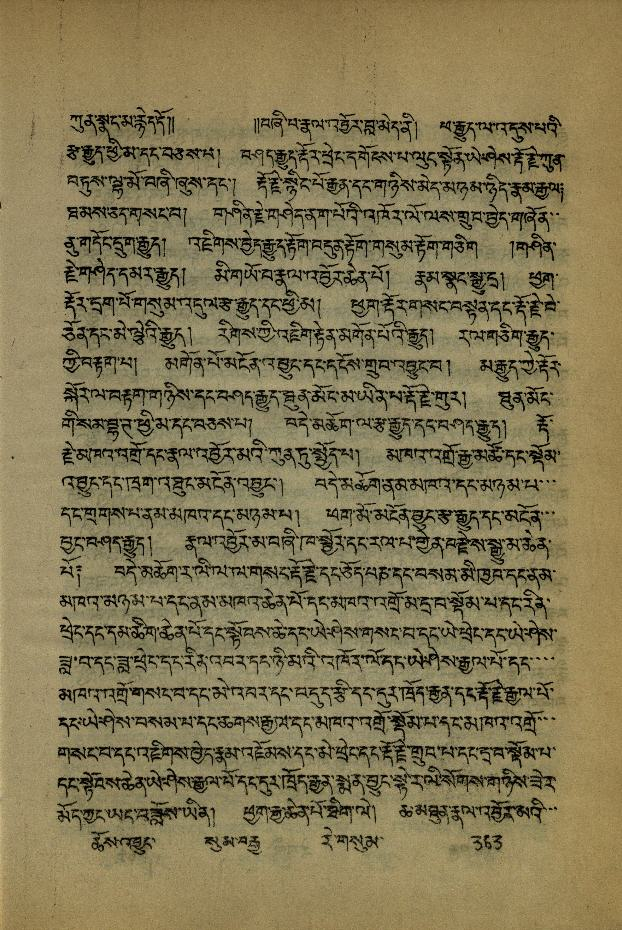ཀུན་སྣང་མ་རྙེ་དོ།། །།བཞི་པ་རྣལ་འབྱོར་བླ་མེད་ནི། ཕ་རྒྱུད་ལ་འདུས་པའི་
རྩ་རྒྱུད་ཕྱི་མ་དང་བཅས་པ། བཤད་རྒྱུད་རྡོར་ཕྲེང་དགོངས་པ་ལུང་སྟོན་ཡེ་ཤེས་རྡོ་རྗེ་ཀུན་
བཏུས་ལྷ་མོ་བཞི་ཞུས་དང་། རྡོ་རྗེ་སྙིང་པོ་རྒྱན་དང་གཉིས་མེད་མཉམ་ཉིད་རྣམ་རྒྱལ༑
ཐམས་ཅད་གསང་བ། གཤིན་རྗེ་གཤེད་ནག་པོའི་འཁོར་ལོ་ལས་གྲུབ་བྱེད་གཞོན་
ནུ་གདོང་དྲུག་རྒྱུད། འཇིགས་བྱེད་རྒྱུད་རྟོག་བདུན་རྟོག་གསུམ་རྟོག་གཅིག །གཤིན་
རྗེ་གཤེད་དམར་རྒྱུད། མི་གཡོ་བ་རྣལ་འབྱོར་ཆེན་པོ། རྣམ་སྣང་སྒྱུ་དྲ། ཕྱག་
རྡོར་དྲག་པོ་གསུམ་འདུལ་རྩ་རྒྱུད་དང་ཕྱི་མ། ཕྱག་རྡོར་གསང་བསྟན་དང་རྡོ་རྗེ་བེ་
ཅོན་དང་མེ་ལྕེའི་རྒྱུད། རིགས་ཀྱི་འཇིག་རྟེན་མགོན་པོའི་རྒྱུད། རལ་གཅིག་རྒྱུད་
ཀྱི་བརྟག་པ། མགོན་པོ་མངོན་འབྱུང་དང་དངོས་གྲུབ་འབྱུང་བ། མ་རྒྱུད་ཀྱི་རྡོར་
སྐོར་ལ་བརྟག་གཉིས་དང་བཤད་རྒྱུད་ཐུན་མོང་མ་ཡིན་པ་རྡོ་རྗེ་གུར། ཐུན་མོང་
གི་སམ་བྷ་ཊ་ཕྱི་མ་དང་བཅས་པ། བདེ་མཆོག་ལ་རྩ་རྒྱུད་དང་བཤད་རྒྱུད། རྡོ་
རྗེ་མཁའ་འགྲོ་དང་རྣལ་འབྱོར་མའི་ཀུན་ཏུ་སྤྱོད་པ། མཁའ་འགྲོ་རྒྱ་མཚོ་དང་སྡོམ་
འབྱུང་དང་ཁྲག་འཐུང་མངོན་འབྱུང་། བདེ་མཆོག་ནམ་མཁའ་དང་མཉམ་པ་
དང་གྲགས་པ་ནམ་མཁའ་དང་མཉམ་པ། ཕག་མོ་མངོན་བྱུང་རྩ་རྒྱུད་དང་མངོན་
བྱང་བཤད་རྒྱུད། རྣལ་འབྱོར་མ་བཞི་ཁ་སྦྱོར་དང་རལ་པ་གྱེན་པ་རྗེས་སྒྱུ་མ་ཆེན་
པོ༑ མེད་མཆོག་ར་ལི་ལ་ལ་གསང་རྡོ་རྗེ་དང་ཅོད་པཎ་དང་བསམ་མི་ཁྱབ་དང་མ་ན་
མཁའ་མཉམ་པ་དང་ནམ་མཁའ་ཆེན་པ་དང་མཁའ་འགྲོ་མ་དྲ་བ་སྡོམ་པ་དང་རིན་
ཕྲེང་དང་དམ་ཚིག་ཆེན་པོ་དང་སྟོབས་ཆེ་དང་ཡེ་ཤེ་གསང་བ་དང་ཡེ་ཕྲེང་དང་ཡེ་ཤེས་
ཟླ་བ་དང་ཟླ་ཕྲེང་དང་རིན་འབར་དང་ཉི་མའི་འཁོར་ལོ་དང་ཡེ་ཤེས་རྒྱལ་པོ་དང་
མཁའ་འགྲོ་གསང་བ་དང་མེ་འབྲ་དང་བདུད་རྩི་དང་དུར་ཁྲོད་རྒྱན་དང་རྡོ་རྗེ་རྒྱལ་པོ་
དང་ཡེ་ཤེས་བསམ་པ་དང་ཆགས་རྒྱལ་དང་མཁའ་འགྲོ་སྡོམ་པ་དང་མཁའ་འགྲོ་
གསང་བ་དང་འཇིགས་བྱེད་རྣམ་འཇོམས་དང་མེ་ཕྲེང་དང་རྡོ་རྗེ་གྲུབ་པ་དང་དྲ་བ་སྡོམ་པ་
དང་སྟོབས་ཆེན་ཡེ་ཤེས་རྒྱལ་པོ་དང་དུར་ཁྲོད་རྒྱན་སྣམ་བྱུང་སྟེ་ར་ལི་སོགས་གཉིས་ཟེར་
མོད་ཀྱང་ཡང་བཟློས་ཡིན། ཕྱག་རྒྱ་ཆེན་པོ་ཐིག་ལེ། ཆ་མཐུན་རྣལ་འབྱོར་མའི་